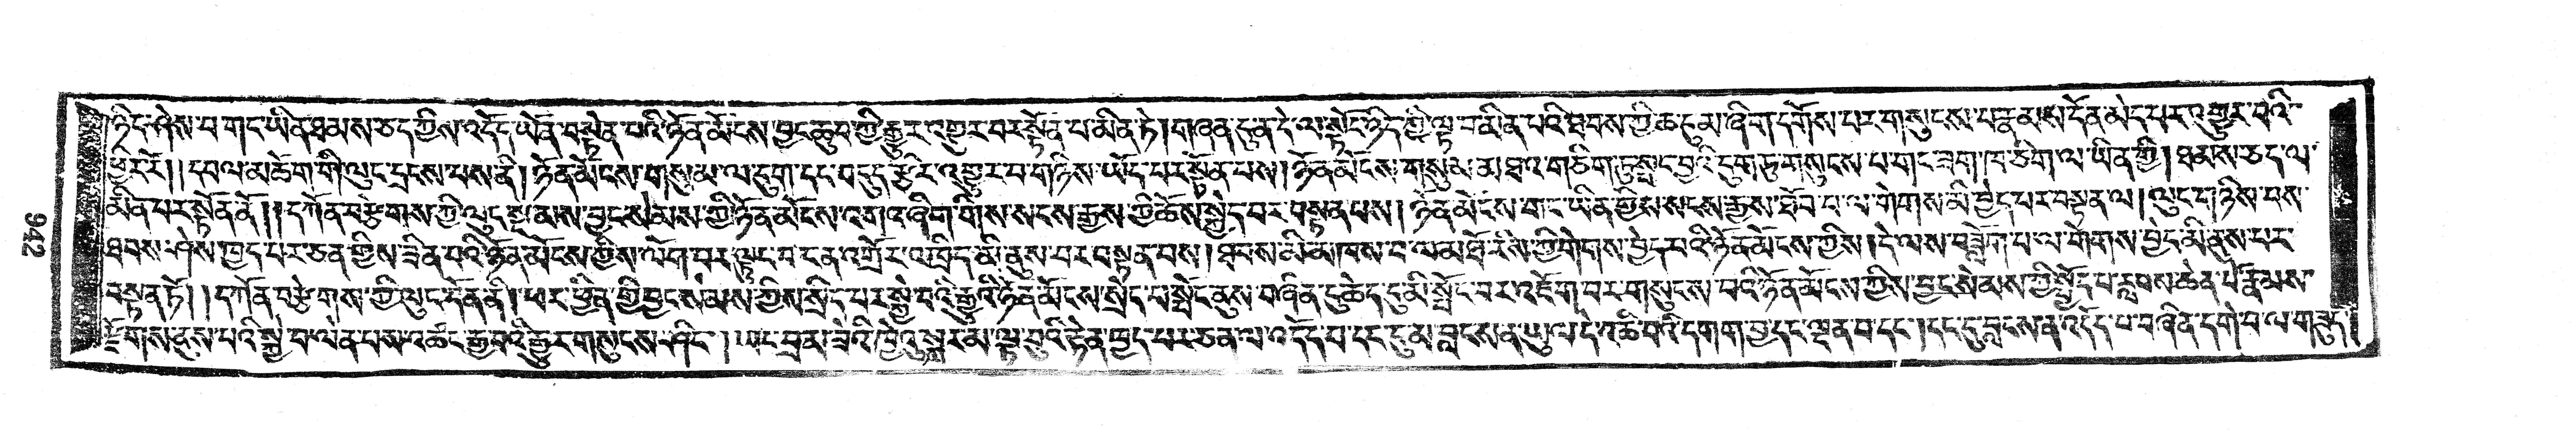ཉིད་ཤེས་པ་གང་ཡིན་ཐམས་ཅད་ཀྱིས་འདོད་ཡོན་བསྟེན་པའི་ཉོན་མོངས་བྱང་ཆུབ་ཀྱི་རྒྱུར་འགྱུར་བར་སྟོན་པ་མིན་ཏེ། གཞན་དུ་ན་དེ་ལ་སྟོང་ཉིད་ཀྱི་ལྟ་བ་མིན་པའི་ཐབས་ཀྱི་ཆ་དུ་མ་ཞིག་དགོས་པར་གསུངས་པ་རྣམས་དོན་མེད་པར་འགྱུར་བའི་
ཕྱིར་རོ། །དཔལ་མཆོག་གི་ལུང་དྲངས་པས་ནི། ཉོན་མོངས་གསུམ་ལ་དུག་དང་བདུད་རྩིར་འགྱུར་བ་གཉིས་ཡོད་པར་སྟོན་པས། ཉོན་མོངས་གསུམ་མཐའ་གཅིག་ཏུ་སྤང་བྱའི་དུག་ཏུ་གསུངས་པ་གང་ཟག་ཁ་ཅིག་ལ་ཡིན་གྱི། ཐམས་ཅད་ལ་
མིན་པར་སྟོན་ནོ། །དཀོན་བརྩེགས་ཀྱི་ལུང་སྔ་མས་བྱང་སེམས་ཀྱི་ཉོན་མོངས་འགའ་ཞིག་གིས་སངས་རྒྱས་ཀྱི་ཆོས་སྐྱེད་པར་བསྟན་པས། ཉོན་མོངས་གང་ཡིན་གྱིས་སངས་རྒྱས་ཐོབ་པ་ལ་གེགས་མི་བྱེད་པར་བསྟན་ལ། ལུང་གཉིས་པས་
ཐབས་ཤེས་ཁྱད་པར་ཅན་གྱིས་ཟིན་པའི་ཉོན་མོངས་ཀྱིས་ལོག་པར་ལྟུང་བ་ངན་འགྲོར་འཁྲིད་མི་ནུས་པར་བསྟན་པས། ཐབས་མི་མཁས་པ་ལ་མཐོ་རིས་ཀྱི་གེགས་བྱེད་པའི་ཉོན་མོངས་ཀྱིས། དེ་ལས་བཟློག་པ་ལ་གེགས་བྱེད་མི་ནུས་པར་
བསྟན་ཏོ། །དཀོན་བརྩེགས་ཀྱི་ལུང་དོན་ནི། ཕར་ཕྱིན་གྱི་བྱང་སེམས་ཀྱིས་སྲིད་པར་སྐྱེ་བའི་རྒྱུའི་ཉོན་མོངས་སྲེད་པ་སྤོང་ནུས་བཞིན་དུ་ཆེད་དུ་མི་སྤོང་བར་འཇོག་པར་གསུངས་པའི་ཉོན་མོངས་ཀྱིས་བྱང་སེམས་ཀྱི་སྤྱོད་པ་རླབས་ཆེན་པོ་རྣམས་
རྫོགས་ནུས་པའི་སྐྱེ་བ་ལེན་པས་འཚང་རྒྱ་བའི་རྒྱུར་གསུངས་ཤིང་། ཡང་བྲམ་ཟེའི་ཁྱེའུ་སྐར་མ་ལྟ་བུའི་རྟེན་ཁྱད་པར་ཅན་ལ་འདོད་པ་དང་དུ་མ་བླངས་ན་ཡུལ་དེ་འཆི་བའི་དགག་བྱ་དང་ལྡན་པ་དང་། དང་དུ་བླངས་ན་འདོད་པ་བཞིན་དགེ་བ་ལ་གཟུད།